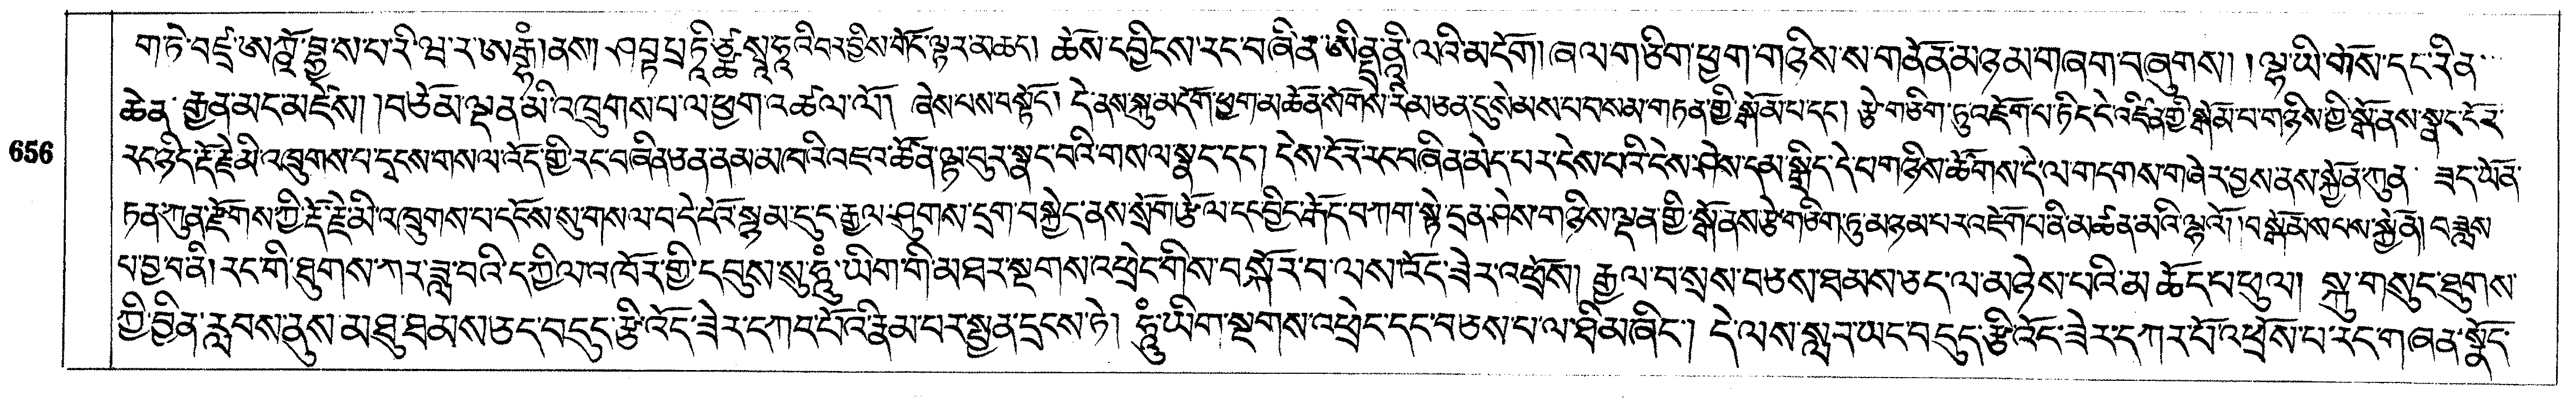ག་ཏེ་བཛྲ་ཨཀྵོ་བྷྱ་ས་པ་རི་ཝ་ར་ཨརྒྷཾ། ནས། ཤབཏ་པྲཏཱི་ཙྪ་སྭཱ་ཧཱའི་བར་བྱིས་གོང་ལྟར་མཆད། ཆོས་དབྱིངས་རང་བཞིན་ཨིནྡྲ་ནཱི་ལའི་མདོག། ཞལ་གཅིག་ཕྱག་གཉིས་ས་གནོན་མཉམ་གཞག་བཞུགས། །ལྷ་ཡི་གོས་དང་རིན་
ཆེན་རྒྱན་མང་མཛེས། །བཅོམ་ལྡན་མི་འཁྲུགས་པ་ལ་ཕྱག་འཚལ་ལོ། ཞེས་པས་བསྟོད། དེ་ནས་སྐུ་མདོག་ཕྱག་མཚོན་སོགས་རིམ་ཅན་དུ་སེམས་པ་བསམ་གཏན་གྱི་སྒོམ་པ་དང་། རྩེ་གཅིག་ཏུ་འཇོག་པ་ཏིང་ངེ་འཛིན་གྱི་སྒོམ་པ་གཉིས་ཀྱི་སྒོ་ནས་སྣང་ངོར་
རང་ཉིད་རྡོ་རྗེ་མི་འཁྲུགས་པ་དྭངས་གསལ་འོད་གྱི་རང་བཞིན་ཅན་ནམ་མཁའི་འཇའ་ཚོན་ལྟ་བུར་སྣང་བའི་གསལ་སྣང་དང་། དེས་ངོར་རང་བཞིན་མེད་པར་ངེས་པའི་ངེས་ཤེས་དམ་སྒྲིད་དེ་པ་གཉིས་ཚོགས་དེ་ལ་གདགས་གཞེར་བྱས་ནས་སྐྱོན་ཀུན་ཟད་ཡོན་
ཏན་ཀུན་རྫོགས་ཀྱི་རྡོ་རྗེ་མི་འཁྲུགས་པ་དངོས་སུ་གསལ་བ་དེ་ངའོ་སྙམ་དུ་ང་རྒྱལ་ཤུགས་དྲག་བསྐྱེད་ནས་སྲོག་རྩོལ་དང་བྱིང་རྒོད་བཀག་སྟེ་དྲན་ཤེས་གཉིས་ལྡན་གྱི་སྒོ་ནས་རྩེ་གཅིག་ཏུ་མཉམ་པར་འཇོག་པ་ནི་མཚན་མའི་ལྷའོ། །བསྒོམས་པས་སྐྱོན། བཟླས་
པ་བྱ་བ་ནི། རང་གི་ཐུགས་ཀར་ཟླ་བའི་དཀྱིལ་འཁོར་གྱི་དབུས་སུ་ཧཱུཾ་ཡིག་གི་མཐར་སྔགས་འཕྲེང་གིས་བསྐོར་བ་ལས་འོད་ཟེར་འཕྲོས། རྒྱལ་བ་སྲས་བཅས་ཐམས་ཅད་ལ་མཉེས་པའི་མཆོད་པ་ཕུལ། སྐུ་གསུང་ཐུགས་
ཀྱི་བྱིན་རླབས་ནུས་མཐུ་ཐམས་ཅད་བདུད་རྩི་འོད་ཟེར་དཀར་པོའི་རྣམ་པར་སྤྱན་དྲངས་ཏེ། ཧཱུཾ་ཡིག་སྔགས་འཕྲེང་དང་བཅས་པ་ལ་ཐིམ་ཞིང་། དེ་ལས་སླར་ཡང་བདུད་རྩི་འོད་ཟེར་དཀར་པོ་འཕྲོས་པ་རང་གཞན་སྣོད་